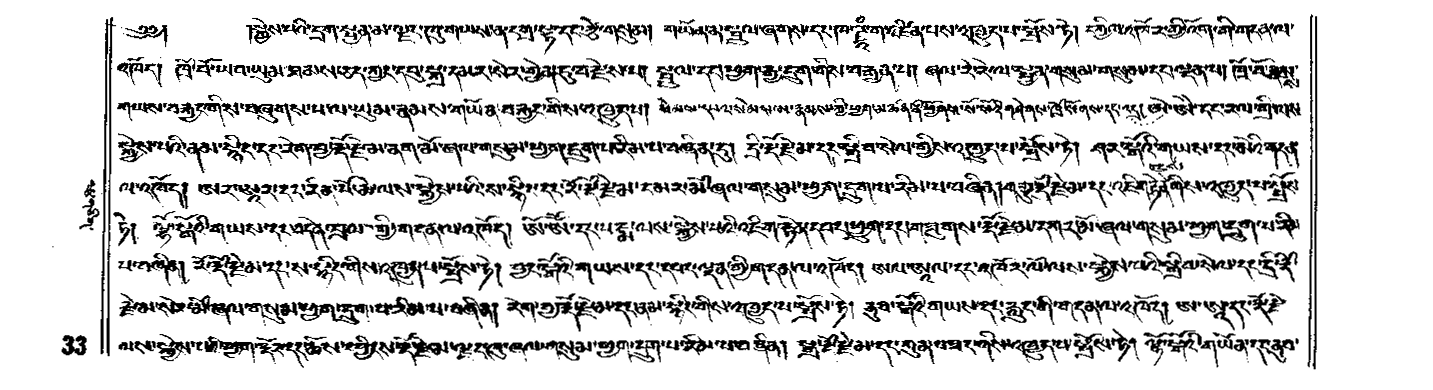༄༅། །སྐྱེས་པའི་དྲག་སྤྱན་མ་ལྗང་ཁུ་གཡས་ན་དགྲ་སྟ་དང་རྩེ་གསུམ། གཡོན་ན་སྤྲུལ་ཞགས་དང་ཁ་ཌྭཱཾ་ག་འཛིན་པས་འཁྱུད་པ་སྤྲོས་ཏེ། དཀྱིལ་འཁོར་གྱི་འོག་གི་གདན་ལ་
འཁོད། ཁྲོ་བོ་ཡབ་ཡུམ་ཐམས་ཅད་ཀྱང་དབུ་སྐྲ་དམར་སེར་གྱེན་དུ་བརྫེས་པ། སྦྲུལ་དང་ཕྱག་རྒྱ་དྲུག་གིས་བརྒྱན་པ། ཞལ་རེ་རེ་ལ་སྤྱན་གསུམ་གསུམ་དང་། ལྡན་པ། ཁྲོ་བོ་རྣམས་
གཡས་བརྐྱང་གིས་བཞུགས་པ་ལ་ཡུམ་རྣམས་གཡོན་བརྐྱང་གིས་འཁྱུད་པ། སེམས་དཔའ་སེམས་མ་རྣམས་ཀྱི་ཕྱག་མཚན་ནི་ཕྱོགས་སོ་སོའི་གཤེགས་ཁྲོ་སོགས་དང་འདྲ།  ཨེ་ཨཻ་དང་རལ་གྲི་ལས་
སྐྱེས་པའི་ནམ་སྙིང་དང་རེག་བྱ་རྡོ་རྗེ་མ་ནག་མོ་ཞལ་གསུམ་ཕྱག་དྲུག་པ་རིམ་པ་བཞིན་དུ། དྲི་རྡོ་རྗེ་མ་དང་སྒྲིབ་སེལ་གྱིས་འཁྱུད་པ་སྤྲོས་ཏེ། ཤར་སྒོའི་གཡས་དང་མེའི་གདན་
ལ་འཁོད། ཨར་ཨཱར་དང་རིན་པོ་ཆེ་ལས་སྐྱེས་པའི་ས་སྙིང་དང་རོ་རྡོ་རྗེ་མ་དམར་མོ་ཞལ་གསུམ་ཕྱག་དྲུག་པ་རིམ་པ་བཞིན། གཟུགས་རྡོ་རྗེ་མ་དང་འཇིག་རྟེན་འབྱུང?་གིས་འཁྱུད་པ་སྤྲོས་
ཏེ། ལྷོ་སྒོའི་གཡས་དང་བདེན་བྲལ་གྱི་གདན་ལ་འཁོད། ཨོ་ཨཽ་དང་པདམ་ལས་སྐྱེས་པའི་འཇིག་རྟེན་དབང་ཕྱུག་དང་གཟུགས་རྡོ་རྗེ་མ་དཀར་མོ་ཞལ་གསུམ་ཕྱག་དྲུག་པ་རིམ་
པ་བཞིན། རོ་རྡོ་རྗེ་མ་དང་ས་སྙིང་གིས་འཁྱུད་པ་སྤྲོས་ཏེ། བྱང་སྒོའི་གཡས་དང་དབང་ལྡན་གྱི་གདན་ལ་འཁོད། ཨལ་ཨཱལ་དང་འཁོར་ལོ་ལས་སྐྱེས་པའི་སྒྲིབ་སེལ་དང་དྲི་རྡོ་
རྗེ་མ་སེར་མོ་ཞལ་གསུམ་ཕྱག་དྲུག་པ་རིམ་པ་བཞིན། རེག་བྱ་རྡོ་རྗེ་མ་དང་ནམ་སྙིང་གིས་འཁྱུད་པ་སྤྲོས་ཏེ། ནུབ་སྒོའི་གཡས་དང་རླུང་གི་གདན་ལ་འཁོད། ཨ་ཨཱ་དང་རྡོ་རྗེ་
ལས་སྐྱེས་པའི་ཕྱག་རྡོར་དང་ཆོས་དབྱིངས་རྡོ་རྗེ་མ་ལྗང་ཁུ་ཞལ་གསུམ་ཕྱག་དྲུག་པ་རིམ་པ་བཞིན། སྒྲ་རྡོ་རྗེ་མ་དང་ཀུན་བཟང་གིས་འཁྱུད་པ་སྤྲོས་ཏེ། ལྷོ་སྒོའི་གཡོན་དང་ནུབ་